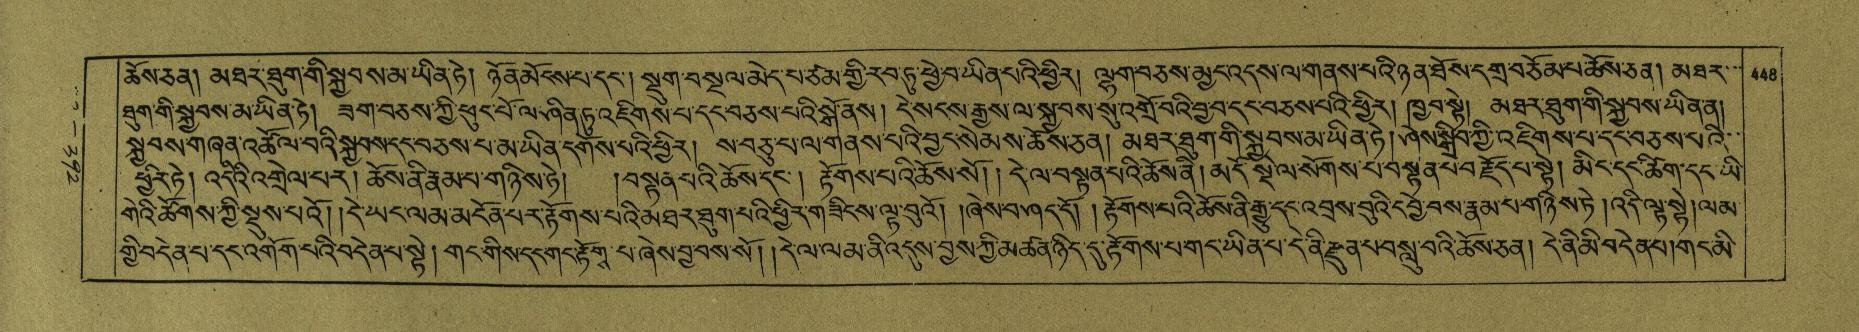ཆོས་ཅན། མཐར་ཐུག་གི་སྐྱབས་མ་ཡིན་ཏེ། ཉོན་མོངས་པ་དང་། སྡུག་བསྔལ་མེད་པ་ཙམ་གྱི་རབ་ཏུ་ཕྱེ་བ་ཡིན་པའི་ཕྱིར། ལྷག་བཅས་མྱང་འདས་ལ་གནས་པའི་ཉན་ཐོས་དགྲ་བཅོམ་པ་ཆོས་ཅན། མཐར་
ཐུག་གི་སྐྱབས་བ་ཡིན་ཏེ། ཟག་བཅས་ཀྱི་ཕུང་པོ་ལ་ཤིན་ཏུ་འཇིགས་པ་དང་བཅས་པའི་སྒོ་ནས། དེ་སངས་རྒྱས་ལ་སྐྱ་བས་སུ་འགྲོ་བའི་བྱ་བ་དང་བཅས་པའི་ཕྱིར། ཁྱབ་སྟེ། མཐར་ཐུག་གི་སྐྱབས་ཡིན་ན།
སྐྱབས་གཞན་འཚོལ་བའི་སྐྱབས་དང་བཅས་པ་མ་ཡིན་དོགས་པའི་ཕྱིར། ས་བཅུ་པ་ལ་གནས་པའི་བྱང་སེམས་ཆོས་ཅན། མཐར་ཐུག་གི་སྐྱས་མ་ཡིན་ཏེ། ཤེས་སྒྲིབ་ཀྱི་འཇིགས་པ་དང་བཅས་པའི་
ཕྱིར་ཏེ། འདིའི་འགྲེལ་པར། ཆོས་ནི་རྣམ་པ་གཉིས་ཏེ། །བསྟན་པའི་ཆོས་དང་། རྟོགས་པའི་ཆོས་སོ། །དེ་ལ་བསྟན་པའི་ཆོས་ནི། མདོ་སྡེ་ལ་སོགས་པ་བསྟན་པ་བརྗོད་པ་སྟེ། མིང་དང་ཚིག་དང་ཡི་
གེའི་ཚོགས་ཀྱི་སྡུས་པའོ། །དེ་ཡང་ལམ་མངོན་པར་རྟོགས་པའི་མཐར་ཐུག་པའི་ཕྱིར་གཟིངས་ལྟ་བུའོ། །ཞེས་བཤད་དོ། །རྟོགས་པའི་ཆོས་ནི་རྒྱུ་དང་འབྲས་བུའི་དབྱེ་བས་རྣམ་པ་གཉིས་ཏེ། འདི་ལྟ་སྟེ། ལམ་
གྱི་བདེན་པ་དང་འགོག་པའི་བདེན་པ་སྟེ། གང་གིས་དང་གང་རྟོགས་པ་ཞེས་བྱ་བས་སོ། །དེ་ལ་ལམ་ནི་འདུས་བྱས་ཀྱི་མཚན་ཉིད་དུ་རྟོགས་པ་གང་ཡིན་པ་དེ་ནི་རྫུན་པ་བསླུ་བའི་ཆོས་ཅན། དེ་ནི་མི་བདེན་པ། གང་མི་